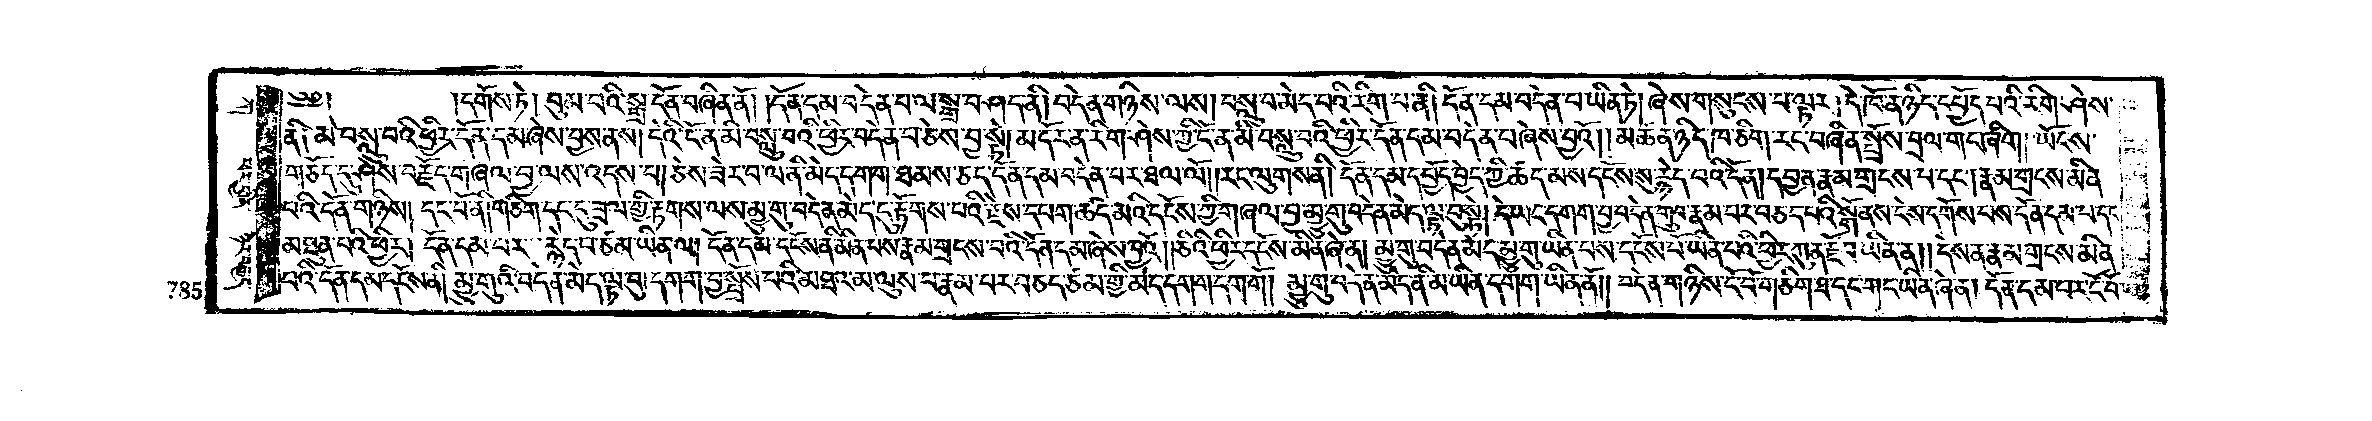༄༅། །དགོས་ཏེ། བུམ་པའི་སྒྲ་དོན་བཞིན་ནོ། །དོན་དམ་བདེན་པ་ལ་སྒྲ་བཤད་ནི། བདེན་གཉིས་ལས། བསླུ་བ་མེད་པའི་རིག་པ་ནི། དོན་དམ་བདེན་པ་ཡིན་ཏེ། ཞེས་གསུངས་པ་ལྟར། དེ་ཁོ་ན་ཉིད་དཔྱོད་པའི་རིག་ཤེས་
ནི༑ མི་བསླུ་བའི་ཕྱིར་དོན་དམ་ཞེས་བྱས་ནས། དེའི་དོན་མི་བསླུ་བའི་ཕྱིར་བདེན་པ་ཅེས་བྱ་སྟེ། མདོར་ན་རིག་ཤེས་ཀྱི་དོན་མི་བསླུ་བའི་ཕྱིར་དོན་དམ་བདེན་པ་ཞེས་བྱའོ། །མཚན་ཉིད་ཁ་ཅིག་རང་བཞིན་སྤྲོས་བྲལ་གང་ཞིག། །ཡོངས་
གཅོད་དུ་ཤེས་བརྗོད་གཞལ་བྱ་ལས་འདས་པ། ཅེས་ཟེར་བ་ལ་ནི་མེད་དགག་ཐམས་ཅད་དོན་དམ་བདེན་པར་ཐལ་ལོ། །རང་ལུགས་ནི། དོན་དམ་དཔྱོད་བྱེད་ཀྱི་ཚད་མས་དངོས་སུ་རྙེད་པའི་དོན། དབྱེ་ན་རྣམ་གྲངས་པ་དང་། རྣམ་གྲངས་མིན་
པའི་དོན་གཉིས། དང་པོ་ནི། གཅིག་དང་དུ་བྲལ་གྱི་རྟགས་ལས་མྱུ་གུ་བདེན་མེད་དུ་རྟོགས་པའི་རྗེས་དཔག་ཚད་མའི་དངོས་ཀྱི་གཞལ་བྱ་མྱུ་གུ་བདེན་མེད་ལྟ་བུ་སྟེ། དེ་ཡང་དགག་བྱ་བདེན་གྲུབ་རྣམ་པར་བཅད་པའི་སྒོ་ནས་ངེས་དགོས་པས་དོན་དམ་པ་དང་
མཐུན་པའི་ཕྱིར། དོན་དམ་པར་རྙེད་པ་ཙམ་ཡིན་ལ། དོན་དམ་དངོས་ནི་མིན་པས་རྣམ་གྲངས་པའི་དོན་དམ་ཞེས་བྱའོ། །ཅིའི་ཕྱིར་དངོས་མིན་ཞེ་ན། མྱུ་གུ་བདེན་མེད་མྱུ་གུ་ཡིན་པས་དངོས་པོ་ཡིན་པའི་ཕྱིར་ཀུན་རྫོབ་ཡིན་ན། །དེས་ན་རྣམ་གྲངས་མིན་
པའི་དོན་དམ་དངོས་ནི། མྱུ་གུའི་བདེན་མེད་ལྟ་བུ། དགག་བྱ་སྤྲོས་པའི་མཐའ་མ་ལུས་པ་རྣམ་པར་བཅད་ཙམ་གྱི་མེད་དགག་དག་གོ། །མྱུ་གུ་བདེན་མེད་ནི་མ་ཡིན་དགག་ཡིན་ནོ། །བདེན་གཉིས་ངོ་བོ་གཅིག་ཐ་དད་གང་ཡིན་ཞེ་ན། དོན་དམ་པར་ངོ་བོ་